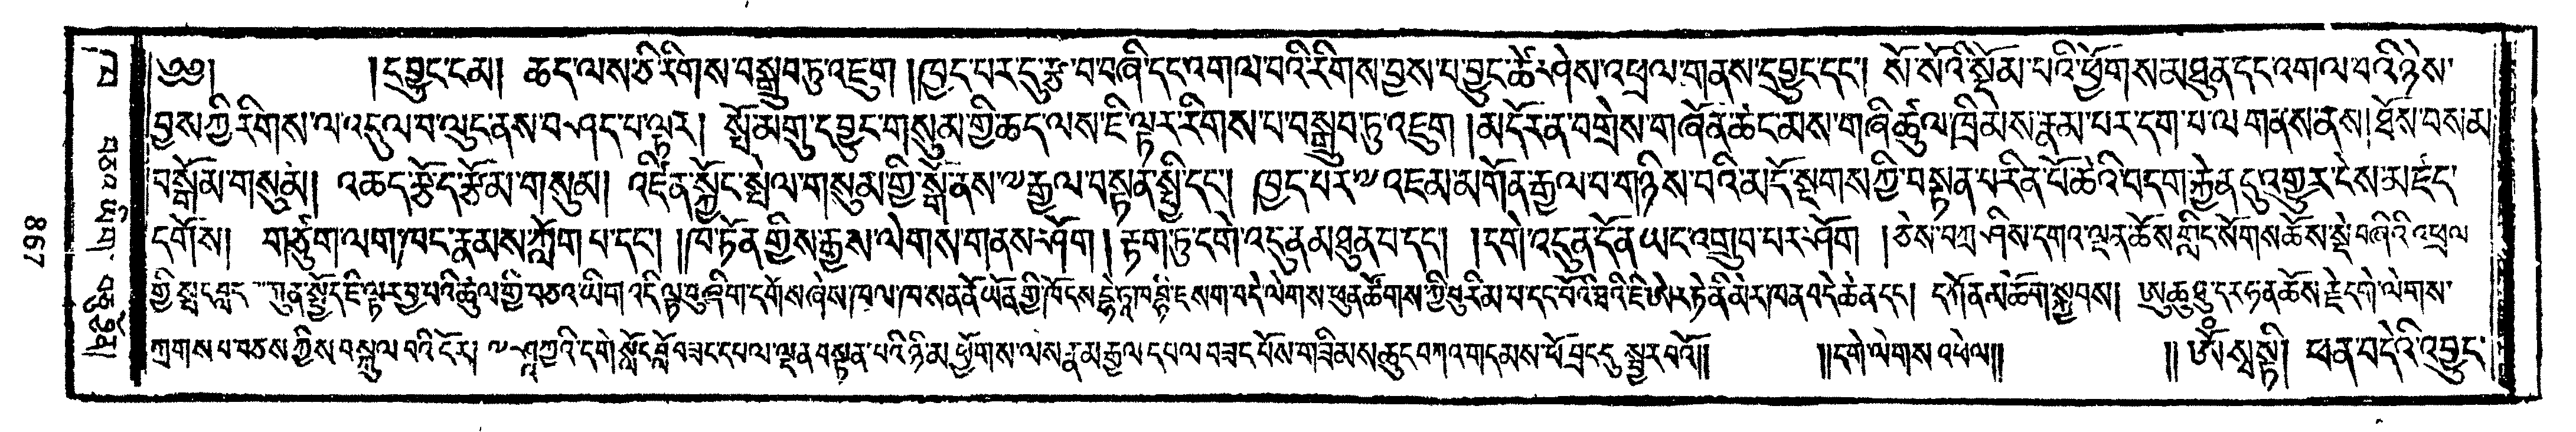༄༅། །དབྱུང་ངམ། ཆད་ལས་ཅི་རིགས་བསྒྲུབ་ཏུ་འཇུག །ཁྱད་པར་དུ་རྩ་བ་བཞི་དང་འགལ་བའི་རིགས་བྱས་པ་བྱུང་ཚེ་ཤེས་འཕྲལ་གནས་དབྱུང་དང་། སོ་སོའི་སྡོམ་པའི་ཕྱོགས་མཐུན་དང་འགལ་བའི་ཉེས་
བྱས་ཀྱི་རིགས་ལ་འདུལ་བ་ལུང་ནས་བཤད་པ་ལྟར། སྤོ་མགུ་དབྱུང་གསུམ་གྱི་ཆད་ལས་ཇི་ལྟར་རིགས་པ་བསྒྲུབ་ཏུ་འཇུག །མདོར་ན་བགྲེས་གཞོན་ཚང་མས་གཞི་ཚུལ་ཁྲིམས་རྣམ་པར་དག་པ་ལ་གནས་ནས། ཐོས་བསམ་
བསྒོམ་གསུམ། འཆད་རྩོད་རྩོམ་གསུམ། འཛིན་སྐྱོང་སྦེལ་གསུམ་གྱི་སྒོ་ནས་༧་རྒྱལ་བསྟན་སྤྱི་དང་། ཁྱད་པར་༧་འཇམ་མགོན་རྒྱལ་བ་གཉིས་པའི་མདོ་སྔགས་ཀྱི་བསྟན་པ་རིན་པོ་ཆེའི་བདག་རྐྱེན་དུ་འགྱུར་ངེས་མཛད་
དགོས། གཙུག་ལག་ཁང་རྣམས་ཀློག་པ་དང་། །ཁ་ཏོན་གྱིས་རྒྱས་ལེགས་གནས་ཤོག །རྟག་ཏུ་དགེ་འདུན་མཐུན་པ་དང་། །དགེ་འདུན་དོན་ཡང་འགྲུབ་པར་ཤོག །ཅེས་བཀྲ་ཤིས་དགའ་ལྡན་ཆོས་གླིང་སོགས་ཆོས་སྡེ་བཞིའི་འཕྲལ་
གྱི་སྤང་བླད་ཀུན་སྤྱོད་ཇི་ལྟར་བྱ་བའི་ཚུལ་གྱི་བཅའ་ཡིག་འདི་ལྟ་བུ་ཞིག་དགོས་ཞེས་ཁལ་ཁ་སན་ནོ་ཡོན་གྱི་ཁོངས་དྷེ་ཧཱ་ཁ་བྷི་ཇ་སག་བདེ་ལེགས་ཕུན་ཚོགས་ཀྱི་བུ་རིམ་པ་དང་པོའི་ཐའི་ཇི་ཨེར་ཏེ་ནི་མེར་ཁན་བདེ་ཆེན་དང་། དཀོན་མཆོག་སྐྱབས། ཨུ་ཆུ་ཐུ་དར་ཧ་ན་ཆོས་རྗེ་དགེ་ལེགས་
གྲགས་པ་བཅས་ཀྱིས་བསྐུལ་བའི་ངོར། ༧་ཤཱཀྱའི་དགེ་སློང་བློ་བཟང་དཔལ་ལྡན་བསྟན་པའི་ཉི་མ་ཕྱོགས་ལས་རྣམ་རྒྱལ་དཔལ་བཟང་པོས་གཟིམས་ཆུང་བཀའ་གདམས་ཕོ་བྲང་དུ་སྦྱར་བའོ།། །།དགེ་ལེགས་འཕེལ།། །།ཨོཾ་སྭ་སྟི། ཕན་བདེའི་བྱུང་